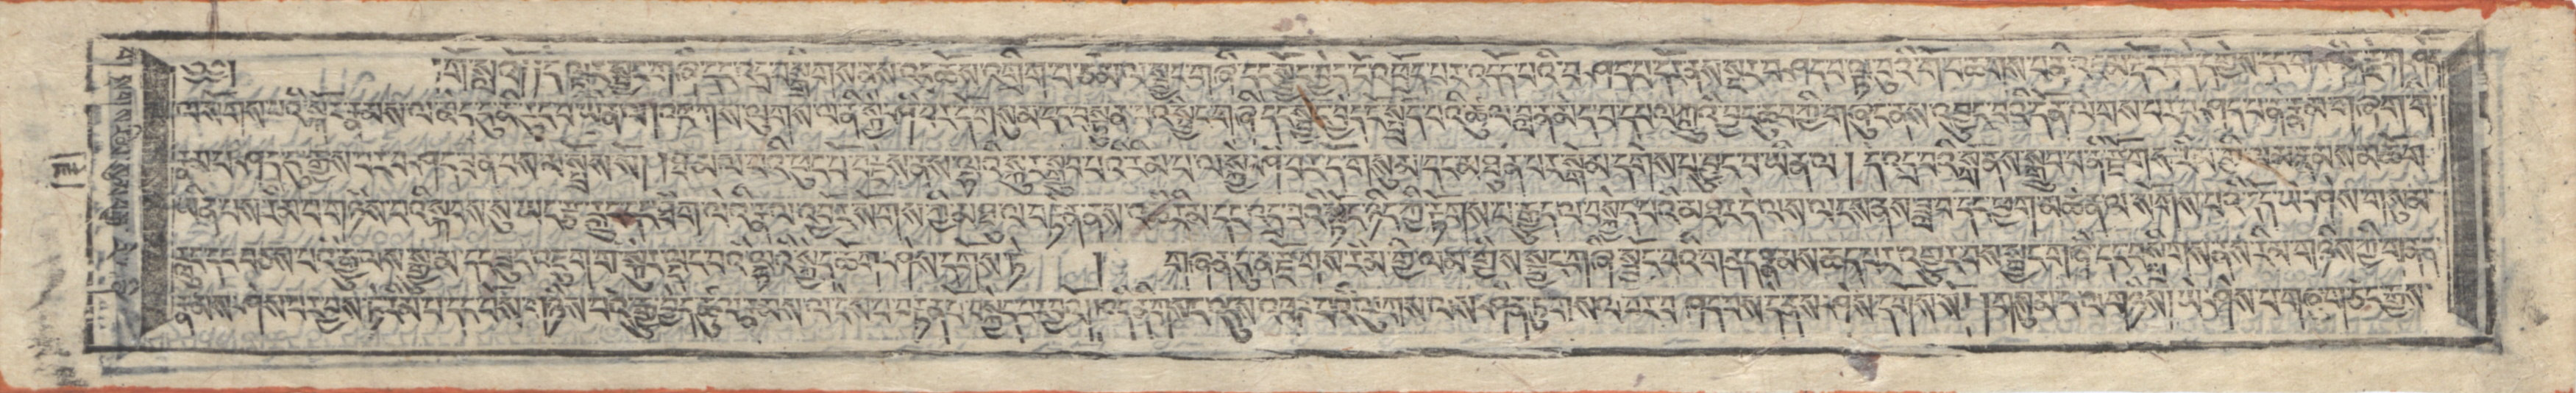༄༅། །གོ་སླའོ༑ ༑དེ་ལྟར་སྦྱང་གཞི་དང་འདྲ་བསྒྲིགས་ནས་འདྲ་ཆོས་འགྲིག་པ་ཙམ་ལ་སྦྱང་གཞི་དང་སྦྱོང་བྱེད་ངོ་འཕྲོད་པར་འདོད་པའི་བཤད་པ་དོར་ནས་སྔར་བཤད་པ་ལྟ་བུའི་གོ་བ་ཆགས་པ་ནི་འཇམ་རྡོར་བདེ་དགྱེས་དང་གཤིན་རྗེ་གཤེད་
ལ་སོགས་པའི་སྐོར་རྣམས་ལ་མེད་དུ་མི་རུང་བ་ཡིན་ལ། འཕགས་ལུགས་ལ་ནི་སྐྱེ་ཤི་བར་དོ་གསུམ་དང་བསྟུན་པའི་སྦྱོང་གཞི་དང་སྦྱོང་བྱེད་ངོ་སྤྲོད་པའི་ཚུལ་བླ་ན་མེད་པ་དཔལ་ཀླུའི་བྱང་ཆུབ་ཀྱི་གཞུང་ནས་འབྱུང་བའི་དོན་ལེགས་པར་བཤད་པ་ནི་རྣམ་གཞག་གི་
རྣམ་གཞག་གི། རྣམ་པ་ཤད་དུ་རྒྱས་པར་བཤད་ཟིན་པས་མ་སྤྲོས་སོ། །ཐ་མལ་པའི་ཕུང་པོ་བརྗེས་ནས་ལྷའི་སྐུར་སྒྲུབ་པའི་རིམ་པ་ལ་སྐྱེ་ཤི་བར་དོ་གསུམ་དང་མཐུན་པར་སྒོམ་དགོས་པ་བྱུང་བ་ཡིན་ལ། དེ་འདྲ་བའི་སྒོ་ནས་སྒྲུབ་པ་ནི་རྫོགས་རིམ་གྱི་ལམ་རྣམས་མཆོག་
ཡིན་པས་རིམ་པ་གཉིས་པའི་སྐབས་སུ་ཡང་རྩ་རླུང་དང་ཐིག་ལེའི་རྣལ་འབྱོར་སོགས་ཀྱི་མཐུ་ལ་བརྟེན་ནས་འཆི་རིམ་དང་འདྲ་བའི་སྟོང་ཉིད་ཀྱི་རྟོགས་པ་རྒྱུད་ལ་བསྐྱེད་པའི་མཐར་དེ་ལས་ལངས་ནས་ཟླ་བ་དང་ཕྱག་མཚན་ལ་སོགས་པའི་དོད་ཡེ་ཤེས་གསུམ་
རླུང་དང་བཅས་པའི་རྒྱུ་ལས་སྒྱུ་མ་དང་ཟུང་འཇུག་གི་སྐུར་ལྡང་བའི་ལྷའི་སྐྱེད་ཆོག་ཤེས་དགོས་ཏེ། གཞན་དུ་ན་རྫོགས་རིམ་གྱི་ལམ་གྱིས་སྦྱང་གཞི་སྦྱོང་བའི་གནད་རྣམས་ཆད་པར་འགྱུར་བས་སྦྱང་གཞི་དང་བསྒྲིགས་ནས་རིམ་གཉིས་ཀྱི་གནད་
རྣམས་ཤེས་པར་བྱས་ཏེ་རིམ་པ་དང་པོས་གཉིས་པའི་རྒྱུ་བྱེད་ཚུལ་རྣམས་ལ་ངེས་པ་བརྟན་པོ་བསྐྱེད་པར་བྱའོ། །འདི་ནི་གསང་འདུས་འཕར་པའི་ལུགས་ལས་ཤིན་ཏུ་གསལ་བར་བཤད་པས་དེ་ནས་ཤེས་དགོས་སོ། །གསུམ་པ་ལ་གཉིས། ཡེ་ཤེས་པ་གཞུག་ཅིང་རྒྱས་